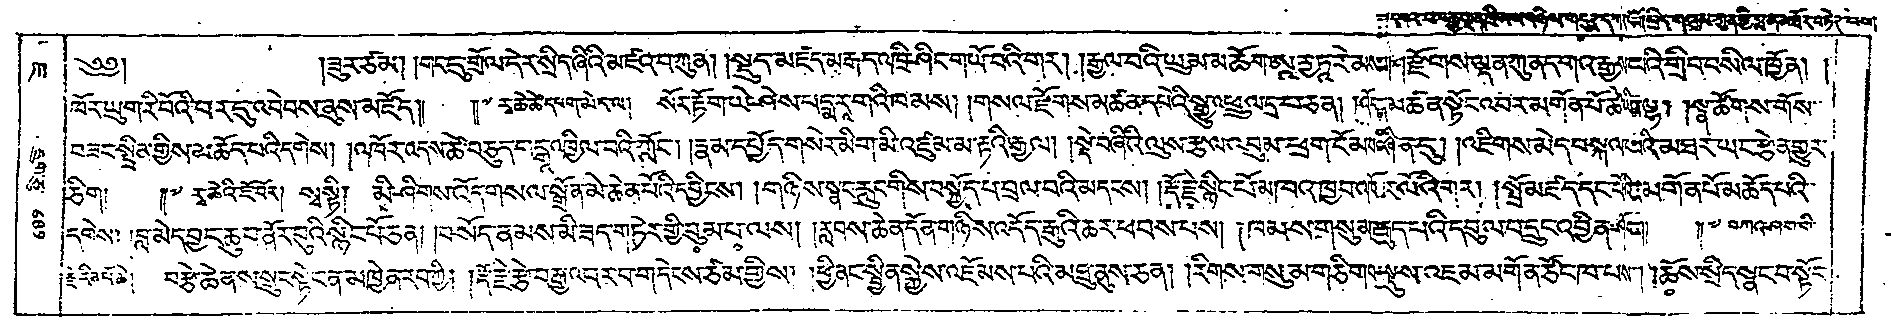༄༅། །ཟུར་ཙམ། །གང་དུ་གྲོལ་དེར་སྲིད་ཞིའི་མཛའ་བ་ཀུན། །སྡུད་མཛད་མྲྒད་འཁྲི་ཤིང་གཡོ་བའི་གར། །རྒྱལ་བའི་ཡུམ་མཆོག་ཨཱརྱ་ཏཱ་རེ་མས། ྾་། དགའ་བ་བརྒྱ་ལྡན་ཁྲིམས་གཉིས་གདུགས་དཀར་པོ། །སྲིད་གསུམ་ཀུན་གྱི་བླ་ན་མཐོར་བཏེགས་པས།  །རྫོགས་ལྡན་ཀུན་དགའ་རྒྱས་པའི་གྲིབ་བསིལ་ཁྱོན། །
ཁོར་ཡུག་རི་བོའི་བར་དུ་འབེབས་ནུས་མཛོད།། །།༧་རྭ་ཆེ་ཚེ་དཔག་མེད་ལ།  སོར་རྟོག་ཡེ་ཤེས་པདམ་རཱ་གའི་ཁམས། །གསལ་རྫོགས་མཚན་དཔེའི་སྒྱུ་འཕྲུལ་དྲ་བ་ཅན། །འོད་མཚན་སྟོང་འབར་མགོན་པོ་ཚེ་ཡི་ལྷ། །སྣ་ཚོགས་གོས་
བཟང་སྤྲིན་གྱིས་མཆོད་པའི་དགེས། །འཁོར་འདས་ཚེ་བཅུད་གངྒཱ་འཁྱིལ་བའི་ཀློང་། །རྣམ་དཔྱོད་གསེར་མིག་མི་འཛུམ་མ་རྟའི་རྒྱལ། །སྡེ་བཞིའི་ལུས་རྩལ་འབུམ་ཕྲག་ངོམ་བཞིན་དུ། །འཇིགས་མེད་བསྐལ་པའི་མཐར་ཡང་རྩེན་གྱུར་
ཅིག ། །།༧་རྭ་ཆེའི་ཇོ་བོར།  སྭསྟི། མི་྾་ཤིགས་འོད་གསལ་སྒྲོན་མེ་ཆེན་པོའི་དབྱིངས། །གཉིས་སྣང་རླུང་གིས་བསྐྱོད་྾་པ་བྲལ་བའི་མདངས། །རྡོ་྾་རྗེ་྾་སྙིང་པོ་མཁའ་ཁྱབ་འཁོར་ལོའི་གར། །སྤྲོ་མཛད་དང་པོའི་མགོན་པོ་མཆོད་པའི་
དགེས། །བླ་མེད་བྱང་ཆུབ་ནོར་བུའི་སྙིང་པོ་ཅན། །བསོད་ནམས་མི་ཟད་གཏེར་གྱི་བུམ྾་པ྾་ལས། །རླབས་ཆེན་དོན་གཉིས་འདོད་རྒུའི་ཆར་ཕབས་པས། །ཁམས་གསུམ་རྒུད་པའི་དབུལ་བ་དྲུང་འབྱིན་ཤོག ། །།༧་བཀའ་ཤག་གི་
རྗེ་རིན་པོ་ཆེ། བརྩེ་ཆེན་ས་སྲུང་སྟེང་ན་མཁྱེན་རབ་ཀྱི། །རྡོ་རྗེ་རྩེ་བརྒྱ་འབར་བ་གདེངས་ཙམ་གྱིས། །ཕྱི་ནང་སྦྱིན་སྐྱེས་འཇོམས་པའི་མཐུ་ནུས་ཅན། །རིགས་གསུམ་གཅིག་བསྡུས་འཇམ་མགོན་ཙོང་ཁ་པས། །ཆོས྾་སྲིད་སྣང་བ་སྟོང་